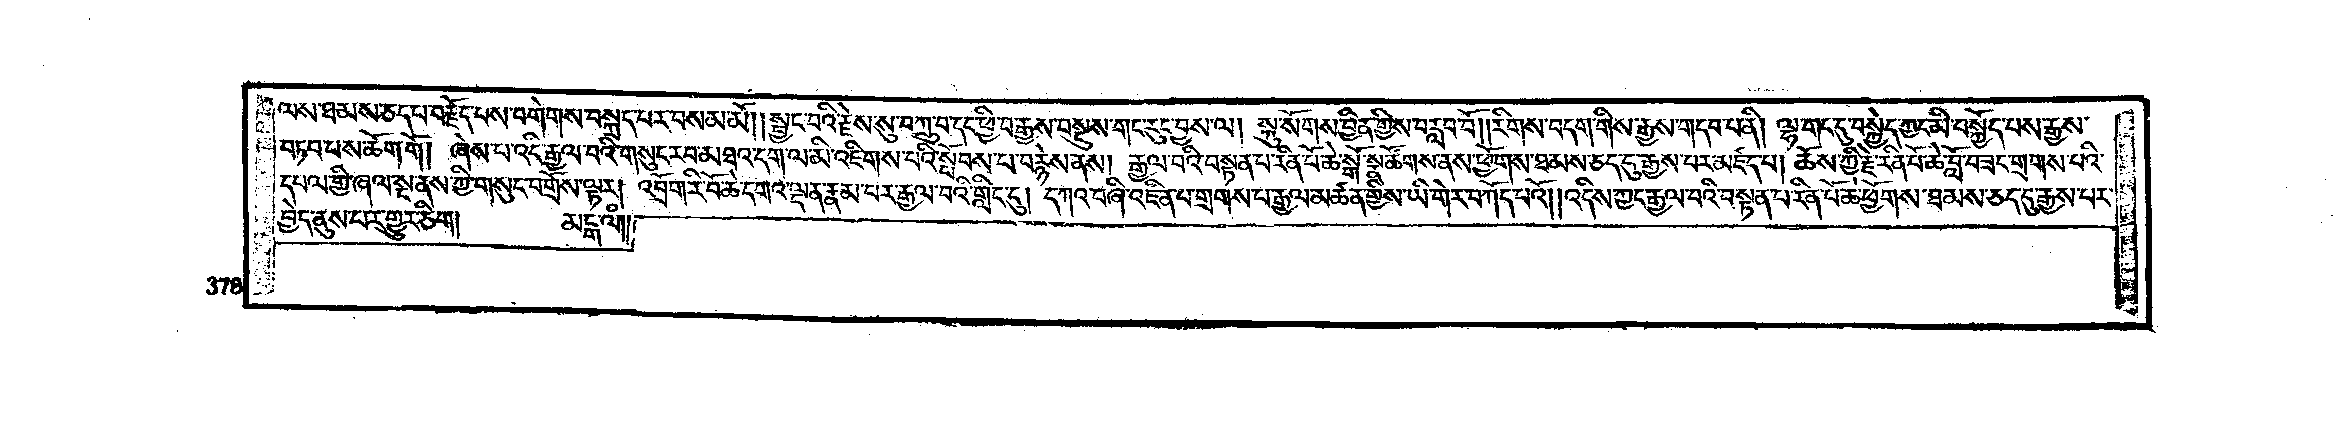ལས་ཐམས་ཅད་པ་བརྗོད་པས་བགེགས་བསྐྲད་པར་བསམ་མོ། །སྦྱང་བའི་རྗེས་སུ་བཀྲུ་བ་དང་ཕྱི་བ་རྒྱས་བསྡུས་གང་རུང་བྱས་ལ། སྐུ་སོགས་བྱིན་གྱིས་བརླབ་བོ། །རིགས་བདག་གིས་རྒྱས་གདབ་པ་ནི། ལྷ་གང་དུ་བསྐྱེད་ཀྱང་མི་བསྐྱོད་པས་རྒྱས་
བཏབ་པས་ཆོག་གོ །ཞེས་པ་འདི་རྒྱལ་བའི་གསུང་རབ་མཐའ་དག་ལ་མི་འཇིགས་པའི་སྤོབས་པ་བརྙེས་ནས། རྒྱལ་བའི་བསྟན་པ་རིན་པོ་ཆེ་སྒོ་སྣ་ཚོགས་ནས་ཕྱོགས་ཐམས་ཅད་དུ་རྒྱས་བར་མཛད་པ། ཆོས་ཀྱི་རྗེ་རིན་པོ་ཆེ་བློ་བཟང་གྲགས་པའི་
དཔལ་གྱི་ཞལ་སྔ་ནས་ཀྱི་གསུང་བགྲོས་ལྟར། འབྲོག་རི་བོ་ཆེ་དགའ་ལྡན་རྣམ་པར་རྒྱལ་བའི་གླིང་དུ། དཀའ་བཞི་འཛིན་པ་གྲགས་པ་རྒྱལ་མཚན་གྱིས་ཡི་གེར་བཀོད་པའོ། །འདིས་ཀྱང་རྒྱལ་བའི་བསྟན་པ་རིན་པོ་ཆེ་ཕྱོགས་ཐམས་ཅད་དུ་རྒྱས་པར་
བྱེད་ནུས་པར་གྱུར་ཅིག །མངྒ་ལཾ།།